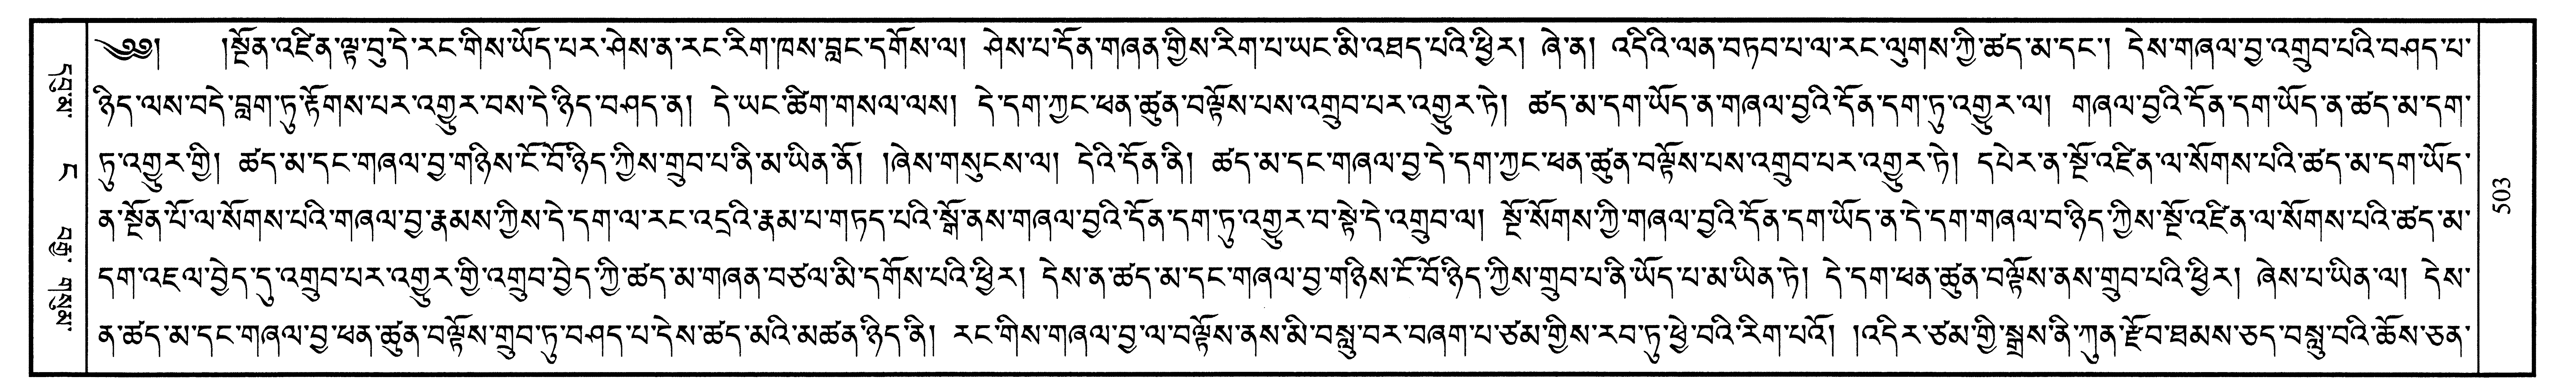༄༅། །སྔོན་འཛིན་ལྟ་བུ་དེ་རང་གིས་ཡོད་པར་ཤེས་ན་རང་རིག་ཁས་བླང་དགོས་ལ། ཤེས་པ་དོན་གཞན་གྱིས་རིག་པ་ཡང་མི་འཐད་པའི་ཕྱིར། ཞེ་ན། འདིའི་ལན་བཏབ་པ་ལ་རང་ལུགས་ཀྱི་ཚད་མ་དང་། དེས་གཞལ་བྱ་འགྲུབ་པའི་བཤད་པ་
ཉིད་ལས་བདེ་བླག་ཏུ་རྟོགས་པར་འགྱུར་བས་དེ་ཉིད་བཤད་ན། དེ་ཡང་ཚིག་གསལ་ལས། དེ་དག་ཀྱང་ཕན་ཚུན་བལྟོས་པས་འགྲུབ་པར་འགྱུར་ཏེ། ཚད་མ་དག་ཡོད་ན་གཞལ་བྱའི་དོན་དག་ཏུ་འགྱུར་ལ། གཞལ་བྱའི་དོན་དག་ཡོད་ན་ཚད་མ་དག་
ཏུ་འགྱུར་གྱི། ཚད་མ་དང་གཞལ་བྱ་གཉིས་ངོ་བོ་ཉིད་ཀྱིས་གྲུབ་པ་ནི་མ་ཡིན་ནོ། །ཞེས་གསུངས་ལ། དེའི་དོན་ནི། ཚད་མ་དང་གཞལ་བྱ་དེ་དག་ཀྱང་ཕན་ཚུན་བལྟོས་པས་འགྲུབ་པར་འགྱུར་ཏེ། དཔེར་ན་སྔོ་འཛིན་ལ་སོགས་པའི་ཚད་མ་དག་
ན་སྔོན་པོ་ལ་སོགས་པའི་གཞལ་བྱ་རྣམས་ཀྱིས་དེ་དག་ལ་རང་འདྲའི་རྣམ་པ་གཏད་པའི་སྒོ་ནས་གཞལ་བྱའི་དོན་དག་ཏུ་འགྱུར་བ་སྟེ་དེ་འགྲུབ་ལ། སྔོ་སོགས་ཀྱི་གཞལ་བྱའི་དོན་དག་ཡོད་ན་དེ་དག་གཞལ་བ་ཉིད་ཀྱིས་སྔོ་འཛིན་ལ་སོགས་པའི་ཚད་མ་
དག་འཇལ་བྱེད་དུ་འགྲུབ་པར་འགྱུར་གྱི་འགྲུབ་བྱེད་ཀྱི་ཚད་མ་གཞན་བཙལ་མི་དགོས་པའི་ཕྱིར། དེས་ན་ཚད་མ་དང་གཞལ་བྱ་གཉིས་ངོ་བོ་ཉིད་ཀྱིས་གྲུབ་པ་ནི་ཡོད་པ་མ་ཡིན་ཏེ། དེ་དག་ཕན་ཚུན་བལྟོས་ནས་གྲུབ་པའི་ཕྱིར། ཞེས་པ་ཡིན་ལ། དེས་
ན་ཚད་མ་དང་གཞལ་བྱ་ཕན་ཚུན་བལྟོས་གྲུབ་ཏུ་བཤད་པ་དེས་ཚད་མའི་མཚན་ཉིད་ནི། རང་གིས་གཞལ་བྱ་ལ་བལྟོས་ནས་མི་བསླུ་བར་བཞག་པ་ཙམ་གྱིས་རབ་ཏུ་ཕྱེ་བའི་རིག་པའོ། །འདིར་ཙམ་གྱི་སྒྲས་ནི་ཀུན་རྫོབ་ཐམས་ཅད་བསླུ་བའི་ཆོས་ཅན་